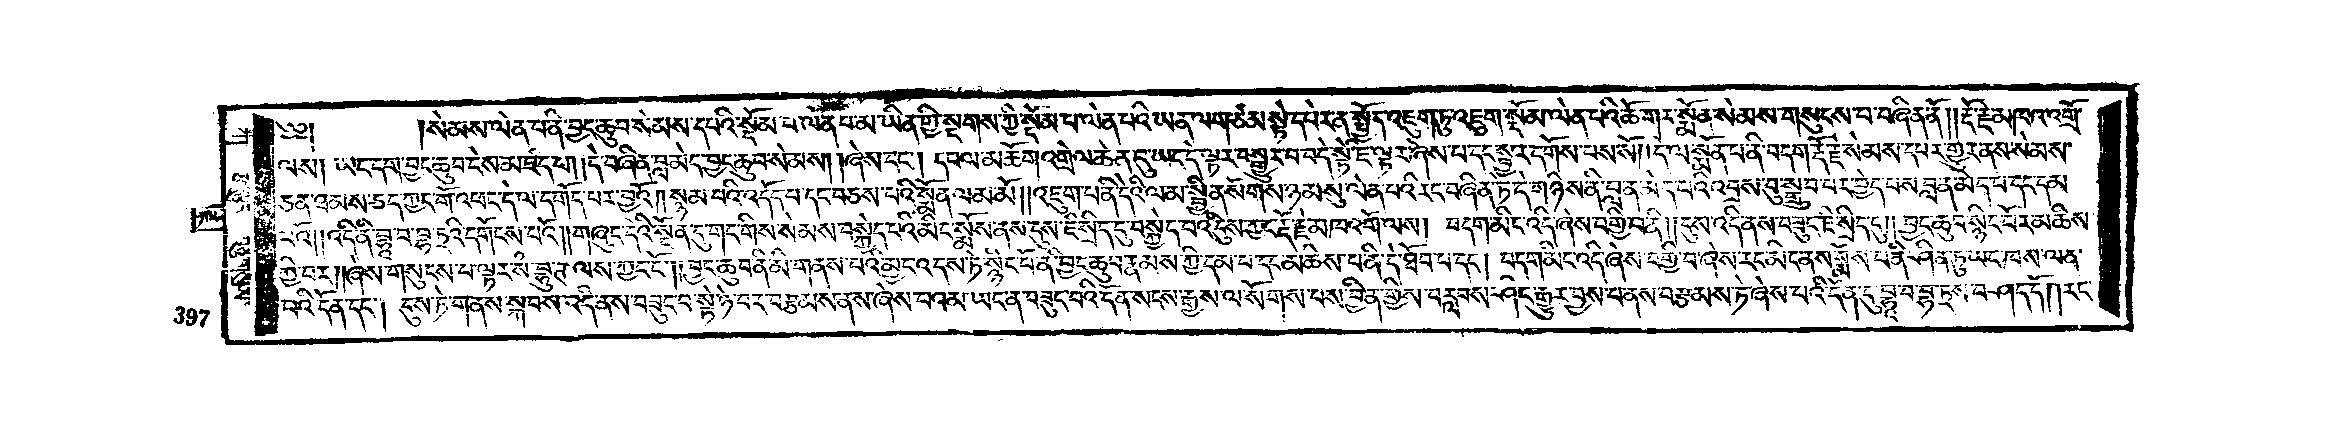༄༅། །སེམས་ལེན་པ་ནི་བྱང་ཆུབ་སེམས་དཔའི་སྡོམ་པ་ལེན་པ་མ་ཡིན་གྱི་སྔགས་ཀྱི་སྡོམ་པ་ལེན་པའི་ཡན་ལག་ཙམ་སྟེ་དཔེར་ན་སྤྱོད་འཇུག་ཏུ་འཇུག་སྡོམ་ལེན་པའི་ཆོ་གར་སྨོན་སེམས་གསུངས་པ་བཞིན་ནོ། །རྡོ་རྗེ་མཁའ་འགྲོ་
ལས། ཡང་དག་བྱང་ཆུབ་ངེས་མཛད་པ། །དེ་བཞིན་བླ་མེད་བྱང་ཆུབ་སེམས། །ཞེས་དང་། དཔལ་མཆོག་འགྲེལ་ཆེན་དུ་ཡང་དེ་ལྟར་བསྒྱུར་བ་བདེ་སྟེ་ཇི་ལྟར་ཞེས་པ་དང་སྦྱར་དགོས་པས་སོ། །དེ་ལ་སྨོན་པ་ནི་བདག་རྡོ་རྗེ་སེམས་དཔར་གྱུར་ནས་སེམས་
ཅན་ཐམས་ཅད་ཀྱང་གོ་འཕང་དེ་ལ་དགོད་པར་བྱའོ། །སྙམ་པའི་འདོད་པ་དང་བཅས་པའི་སྨོན་ལམ་མོ། །འཇུག་པ་ནི་དེའི་ལམ་སྦྱིན་སོགས་ཉམས་སུ་ལེན་པའི་རང་བཞིན་ཏེ་དེ་གཉིས་ནི་བླ་ན་མེད་པའི་འབྲས་བུ་སྒྲུབ་པར་བྱེད་པས་བླ་ན་མེད་པ་དང་དམ་
པའོ། །འདི་ནི་བྷཱ་བ་བྷ་ཏྲའི་དགོངས་པའོ། །གཞུང་དེའི་སྔོན་དུ་གང་གིས་སེམས་བསྐྱེད་པའི་མིང་སྨོས་ནས་དུས་ཇི་སྲིད་དུ་བསྐྱེད་པའི་དུས་ཀྱང་རྡོ་རྗེ་མཁའ་གོ་ལས། བདག་མིང་འདི་ཞེས་བགྱི་བ་ནི། །དུས་འདི་ནས་བཟུང་ཇི་སྲིད་དུ། །བྱང་ཆུབ་སྙིང་པོར་མཆིས་
ཀྱི་བར། །ཞེས་གསུངས་པ་ལྟར་སཾ་བྷུ་ཊ་ལས་ཀྱང་ངོ། །བྱང་ཆུབ་ནི་མི་གནས་པའི་མྱང་འདས་ཏེ་སྙིང་པོ་ནི་བྱང་ཆུབ་རྣམས་ཀྱི་དམ་པ་དང་མཆིས་པ་ནི་དེ་ཐོབ་པ་དང་། བདག་མིང་འདི་ཞེས་བགྱི་བ་ཞེས་རང་མིང་ནས་སྨོས་པ་ནི་ཤིན་ཏུ་ཡང་ཁས་ལན་
པའི་དོན་དང་། དུས་ཏེ་གནས་སྐབས་འདི་ནས་བཟུང་བ་སྟེ་ཉེ་བར་བརྩམས་ནས་ཞེས་པའམ་ཡང་ན་བཟུང་བའི་དོན་སངས་རྒྱས་ལ་སོགས་པས་བྱིན་གྱིས་བརླབས་ཤིང་རྒྱུར་བྱས་པ་ནས་བརྩམས་ཏེ་ཞེས་པའི་དོན་དུ་བྷཱ་བ་བྷ་ཏྲས་བཤད་དོ། །རང་